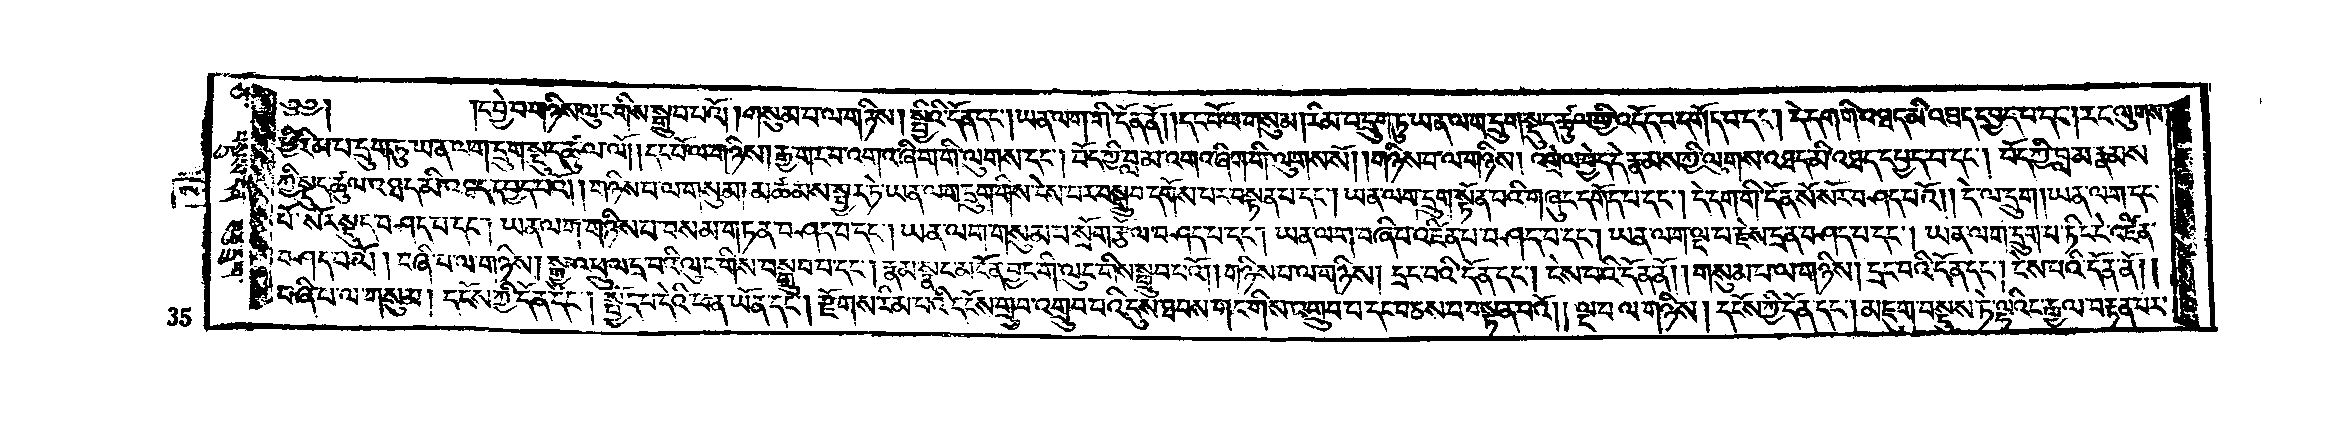༄༅། །དབྱེ་བ་གཉིས་ལུང་གིས་སྒྲུབ་པའོ། །གསུམ་པ་ལ་གཉིས། སྤྱིའི་དོན་དང་། ཡན་ལག་གི་དོན་ནོ། །དང་པོ་ལ་གསུམ། རིམ་པ་དྲུག་ཏུ་ཡན་ལག་དྲུག་སྡུད་ཚུལ་གྱི་འདོད་པ་དགོད་པ་དང་། དེ་དག་གི་འཐད་མི་འཐད་དཔྱད་པ་དང་། རང་ལུགས་
ཀྱི་རིམ་པ་དྲུག་ཏུ་ཡན་ལག་དྲུག་སྡུད་ཚུལ་ལོ། །དང་པོ་ལ་གཉིས། རྒྱ་གར་བ་འགའ་ཞིག་གི་ལུགས་དང་། བོད་ཀྱི་བླ་མ་འགའ་ཞིག་གི་ལུགས་སོ། །གཉིས་པ་ལ་གཉིས། འགྲེལ་བྱེད་དེ་རྣམས་ཀྱི་ལུགས་འཐད་མི་འཐད་དཔྱད་པ་དང་། བོད་ཀྱི་བླ་མ་རྣམས་
ཀྱི་སྡུད་ཚུལ་འཐད་མི་འཐད་དཔྱད་པའོ། །གཉིས་པ་ལ་གསུམ། མཚམས་སྦྱར་ཏེ་ཡན་ལག་དྲུག་གིས་ངེས་པར་བསྒྲུབ་དགོས་པར་བསྟན་པ་དང་། ཡན་ལག་དྲུག་སྟོན་པའི་གཞུང་དགོད་པ་དང་། དེ་དག་གི་དོན་སོ་སོར་བཤད་པའོ། །དེ་ལ་དྲུག །ཡན་ལག་དང་
པོ་སོར་སྡུད་བཤད་པ་དང་། ཡན་ལག་གཉིས་པ་བསམ་གཏན་བཤད་པ་དང་། ཡན་ལག་གསུམ་པ་སྲོག་རྩོལ་བཤད་པ་དང་། ཡན་ལག་བཞི་པ་འཛིན་པ་བཤད་པ་དང་། ཡན་ལག་ལྔ་པ་རྗེས་དྲན་བཤད་པ་དང་། ཡན་ལག་དྲུག་པ་ཏིང་ངེ་འཛིན་
བཤད་པའོ། །བཞི་པ་ལ་གཉིས། སྒྱུ་འཕྲུལ་དྲ་བའི་ལུང་གིས་བསྒྲུབ་པ་དང་། རྣམ་སྣང་མངོན་བྱང་གི་ལུང་གིས་སྒྲུབ་པའོ། །གཉིས་པ་ལ་གཉིས། དྲང་བའི་དོན་དང་། ངེས་པའི་དོན་ནོ། །གསུམ་པ་ལ་གཉིས། དྲང་བའི་དོན་དང་། ངེས་པའི་དོན་ནོ། །
བཞི་པ་ལ་གསུམ། དངོས་ཀྱི་དོན་དང་། སྤྱོད་པ་དེའི་ཕན་ཡོན་དང་། རྫོགས་རིམ་པའི་དངོས་གྲུབ་འགྲུབ་པའི་དུས་ཐབས་གང་གིས་འགྲུབ་པ་དང་བཅས་པ་བསྟན་པའོ། །ལྔ་པ་ལ་གཉིས། དངོས་ཀྱི་དོན་དང་། མཇུག་བསྡུས་ཏེ་ལྷའི་ང་རྒྱལ་བརྟན་པར་